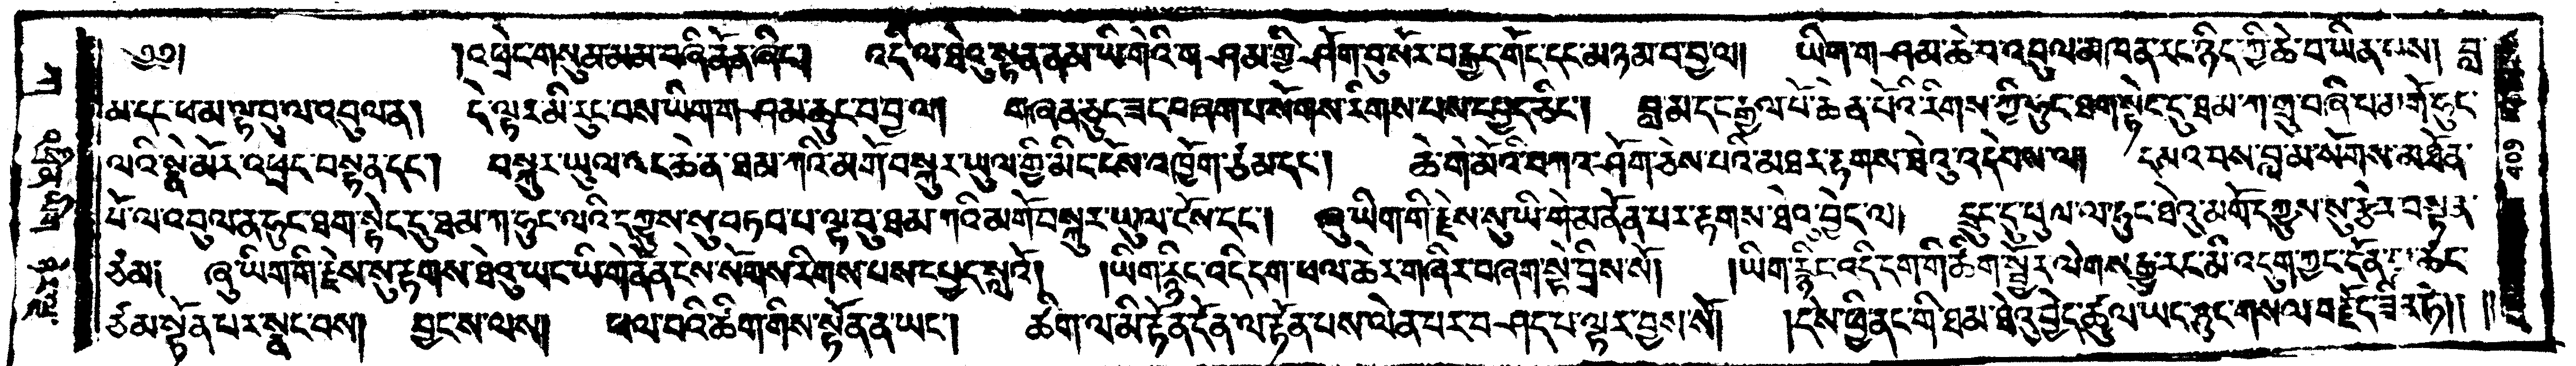༄༅། །འཕྲེང་གསུམ་མམ་བཞི་ནོན་ཞིང་། འདི་ལ་ཐེའུ་སྟན་ནམ་ཡི་གེའི་གཤམ་གྱི་ཤོག་བུ་སོར་བརྒྱད་གོང་དང་མཉམ་པ་བྱ་ལ། ཡིག་གཤམ་ཆེ་བ་འབུལ་མཁན་རང་ཉིད་ཀྱི་ཆེ་བ་ཡིན་པས། བླ་
མ་དང་ཕ་མ་ལྟ་བུ་ལ་འབུལ་ན། དེ་ལྟར་མི་རུང་བས་ཡིག་གཤམ་ཆུང་བ་བྱ་ལ། གཞན་ཅུང་ཟད་བཞག་པ་སོགས་རིགས་པས་དབྱད་ཅིང་། བླ་མ་དང་རྒྱལ་པོ་ཆེན་པོའི་རིགས་ཀྱི་ཧུང་ཐག་སྟེང་དུ་ཐམ་ཀ་གྲུ་བཞི་པ་མགོ་ཧུང་
ལའི་སྣེ་མོར་འཕྲང་བསྟན་དང་། བསྐུར་ཡུལ་འང་ཆེ་ན་ཐམ་ཀའི་མགོ་བསྐུར་ཡུལ་གྱི་མིང་ངོས་འཁྱོག་ཙམ་དང་། ཆེ་གེ་མོའི་བཀའ་ཤོག་ཅེས་པའི་མཐར་རྟགས་ཐེའུ་འདེབས་ལ། དམའ་བས་བླ་མ་སོགས་མཐོན་
པོ་ལ་འབུལ་ན་ཧུང་ཐག་སྟེང་དུ་ཐམ་ཀ་ཧུང་ལའི་དཀྱུས་སུ་བཏབ་པ་ལྟ་བུ་ཐམ་ཀའི་མགོ་བསྐུར་ཡུལ་ངོས་དང་། ཞུ་ཡིག་གི་རྗེས་སུ་ཡི་གེ་མ་ནོན་པར་རྟགས་ཐེབ་བྱེད་ལ། དྲུང་དུ་ཕུལ་ལ་ཧུང་ཐེའུ་མགོ་དཀྱུས་སུ་རྩེར་བསྟན་
ཙམ། ཞུ་ཡིག་གི་རྗེས་སུ་རྟགས་ཐེའུ་ཡང་ཡི་གེ་ནན་ངེས་སོགས་རིགས་པས་དཔྱད་སླའོ། །ཡིག་རྙིང་འདི་དག་ཕལ་ཆེར་གཞིར་བཞག་སྟེ་བྲིས་སོ། །ཡིག་རྙིང་འདི་དག་གི་ཚིག་སྦྱོར་ལེགས་རྒྱུ་རང་མི་འདུག་ཀྱང་དོན་པ་ཚང་
ཙམ་སྟོན་པར་སྣང་བས། བྱང་ས་ལས། ཕལ་བའི་ཚིག་གིས་སྟོན་ན་ཡང་། ཚིག་ལ་མི་རྟོན་དོན་ལ་རྟོན་པས་ལེན་པར་བཤད་པ་ལྟར་བྱས་སོ། །དེས་ཕྱི་ནང་གི་ཐམ་ཐེའུ་བྱེད་ཚུལ་ཡང་ཅུང་གསལ་བརྗོད་ཟིན་ཏེ།། །།